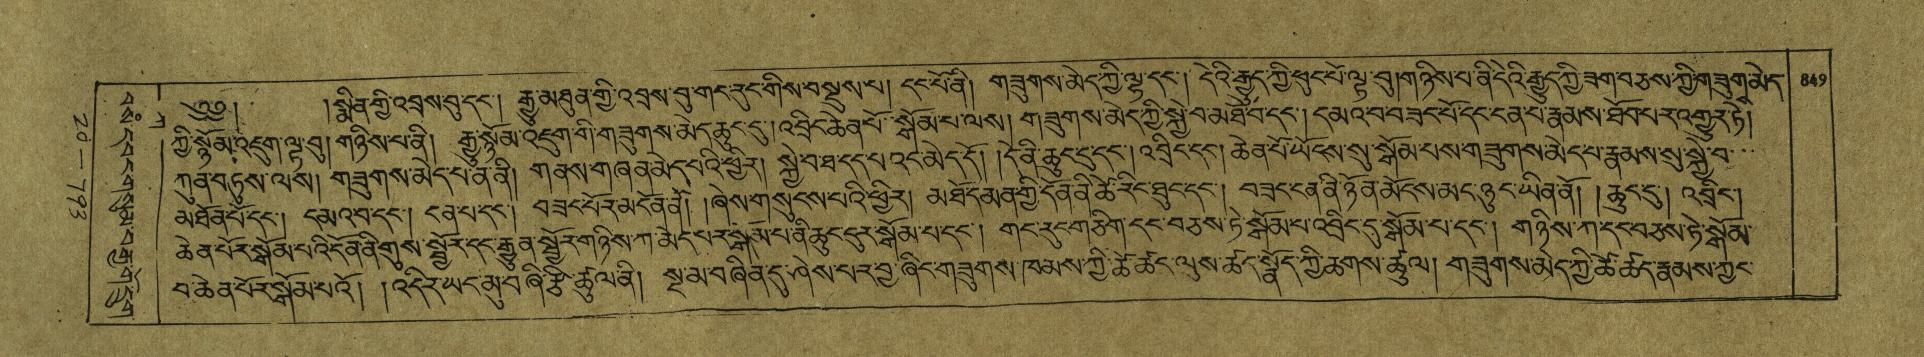༄༅། །སྨིན་གྱི་འབྲས་བུ་དང་། རྒྱུ་མཐུན་གྱི་འབྲས་བུ་གང་རུང་གིས་བསྡུས་པ། དང་པོ་ནི། གཟུགས་མེད་ཀྱི་ལྷ་དང་། དེའི་རྒྱུད་ཀྱི་ཕུང་པོ་ལྟ་བུ། གཉིས་པ་ནི་དེའི་རྒྱུད་ཀྱི་ཟག་བཅས་ཀྱི་གཟུགས་མེད་
ཀྱི་སྙོམ་འཇུག་ལྟ་བུ། གཉིས་པ་ནི། རྒྱུ་སྙོམ་འཇུག་གི་གཟུགས་མེད་ཆུང་དུ། འབྲིང་ཆེན་པོ་སྒོམ་པ་ལས། གཟུགས་མེད་ཀྱི་སྐྱེ་བ་མཐོ་བ་དང་། དམའ་བ་བཟང་པོ་དང་ངན་པ་རྣམས་ཐོབ་པར་འགྱུར་ཏེ།
ཀུན་བཏུས་ལས། གཟུགས་མེད་པ་ན་ནི། གནས་གཞན་མེད་པའི་ཕྱིར། སྐྱེ་བ་ཐ་དད་པའང་མེད་དོ། །དེ་ནི་ཆུང་དུ་དང་། འབྲིང་དང་། ཆེན་པོ་ཡོངས་སུ་སྒོམ་པས་གཟུགས་མེད་པ་རྣམས་སུ་སྐྱེ་བ་
མཐོན་པོ་དང་། དམའ་བ་དང་། ངན་པ་དང་། བཟང་པོར་མངོན་ནོ། །ཞེས་གསུངས་པའི་ཕྱིར། མཐོ་དམན་གྱི་དོན་ནི་ཚེ་རིང་ཐུང་དང་། བཟང་ངན་ནི་ཉོན་མོངས་མང་ཉུང་ཡིན་ནོ། །ཆུང་དུ། འབྲིང་།
ཆེན་པོར་སྒོམ་པའི་དོན་ནི་གུས་སྦྱོར་དང་རྒྱུན་སྦྱོར་གཉིས་ཀ་མེད་པར་སྒོམ་པ་ནི་ཆུང་དུར་སྒོམ་པ་དང་། གང་རུང་གཅིག་དང་བཅས་ཏེ་སྒོམ་པ་འབྲིང་དུ་སྒོམ་པ་དང་། གཉིས་ཀ་དང་བཅས་ཏེ་སྒོམ་
བ་ཆེན་པོར་སྒོམ་པའོ། །འདིར་ཡང་མུ་བཞི་རྩི་ཚུལ་ནི། སྔ་མ་བཞིན་དུ་ཤེས་པར་བྱ་ཞིང་གཟུགས་ཁམས་ཀྱི་ཚེ་ཚད་ལུས་ཚད་སྣོད་ཀྱི་ཆགས་ཚུལ། གཟུགས་མེད་ཀྱི་ཚེ་ཚད་རྣམས་ཀྱང་